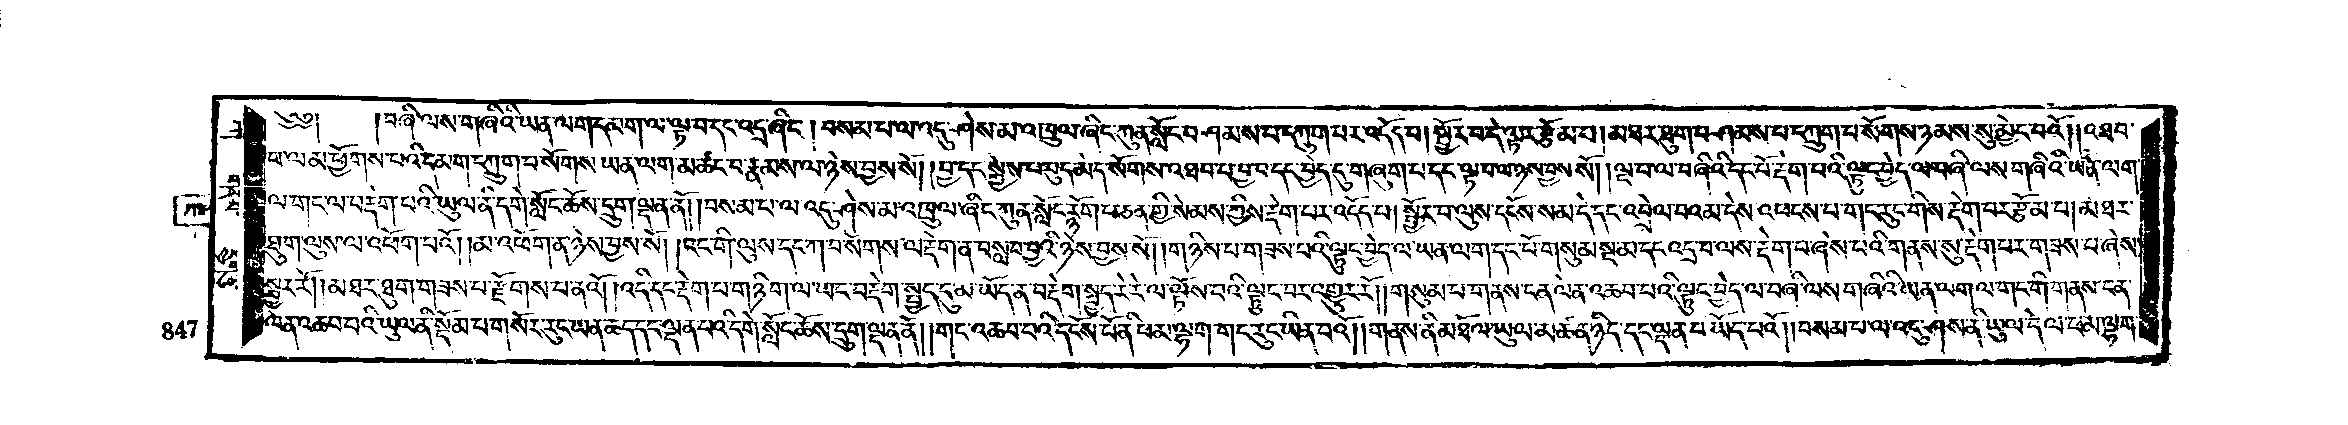༄༅། །བཞི་ལས་གཞིའི་ཡན་ལག་དམག་ལ་ལྟ་བ་དང་འདྲ་ཞིང་། བསམ་པ་ལ་འདུ་ཤེས་མ་འཁྲུལ་ཞིང་ཀུན་སློང་བཤམས་པ་དཀྲུག་པར་འདོད་པ། སྦྱོར་བ་དེ་ལྟར་རྩོམ་པ། མཐར་ཐུག་བཤམས་པ་དཀྲུག་པ་སོགས་ཉམས་སུ་མྱེད་བའོ། །འཐབ་
པ་ལ་མ་ཕྱོགས་པའི་དམག་དཀྲུག་པ་སོགས་ཡན་ལག་མ་ཚང་བ་རྣམས་ལ་ཉེས་བྱས་སོ། །བྱ་དང་སྐྱེས་པ་བུད་མེད་སོགས་འཐབ་པ་བྱ་བ་དང་བྱེད་དུ་གཞུག་པ་དང་ལྟ་བ་ལ་ཉས་བྱས་སོ། །ལྔ་པ་ལ་བཞིའི་དང་པོ་རྡེག་པའི་ལྟུང་བྱེད་ལ་བཞི་ལས་གཞིའི་ཡན་ལག་
ལ་གང་ལ་བརྡེག་པའི་ཡུལ་ནི་དགེ་སློང་ཆོས་དྲུག་ལྡན་ནོ། །བསམ་པ་ལ་འདུ་ཤེས་མ་འཁྲུལ་ཞིང་ཀུན་སློང་རྙོག་པ་ཅན་གྱི་སེམས་ཀྱིས་རྡེག་པར་འདོད་པ། སྦྱོར་བ་ལུས་དངོས་སམ་དེ་དང་འབྲེལ་བའམ་དེས་འཕངས་པ་གང་རུང་གིས་རྡེག་པར་རྩོམ་པ། མཐར་
ཐུག་ལུས་ལ་འཕོག་པའོ། །མ་འཕོག་ན་ཉེས་བྱས་སོ། །རང་གི་ལུས་དང་ཀ་བ་སོགས་ལ་རྡེག་ན་བསླབ་བྱའི་ཉེས་བྱས་སོ། །གཉིས་པ་གཟས་པའི་ལྟུང་བྱེད་ལ་ཡན་ལག་དང་པོ་གསུམ་སྔ་མ་དང་འདྲ་བ་ལས་རྡེག་པ་ཞེས་པའི་གནས་སུ་རྡེག་པར་གཟས་པ་ཞེས་
སྦྱར་རོ། །མཐར་ཐུག་གཟས་པ་རྫོགས་པ་ནའོ། །འདི་དང་རྡེག་པ་གཉི་ག་ལ་ཡང་རྡེག་སྤྱད་དུ་མ་ཡོད་ན་བརྡེག་སྤྱད་རེ་རེ་ལ་ལྟོས་པའི་ལྟུང་བར་འགྱུར་རོ། །གསུམ་པ་གནས་ངན་ལེན་འཆབ་པའི་ལྟུང་བྱེད་ལ་བཞི་ལས་གཞིའི་ཡན་ལག་ལ་གང་གི་གནས་ངན་
ལེན་འཆབ་པའི་ཡུལ་ནི་སྡོམ་པ་གསོར་རུང་ཡན་ཆད་དང་ལྡན་པའི་དགེ་སློང་ཆོས་དྲུག་ལྡན་ནོ། །གང་འཆབ་པའི་དངོས་པོ་ནི་ཕམ་ལྷག་གང་རུང་ཡིན་པའོ། །གནས་ནི་མཐོལ་ཡུལ་མཚན་ཉིད་དང་ལྡན་པ་ཡོད་པའོ། །བསམ་པ་ལ་འདུ་ཤས་ནི་ཡུལ་དེ་ལ་ཕམ་ལྷག་